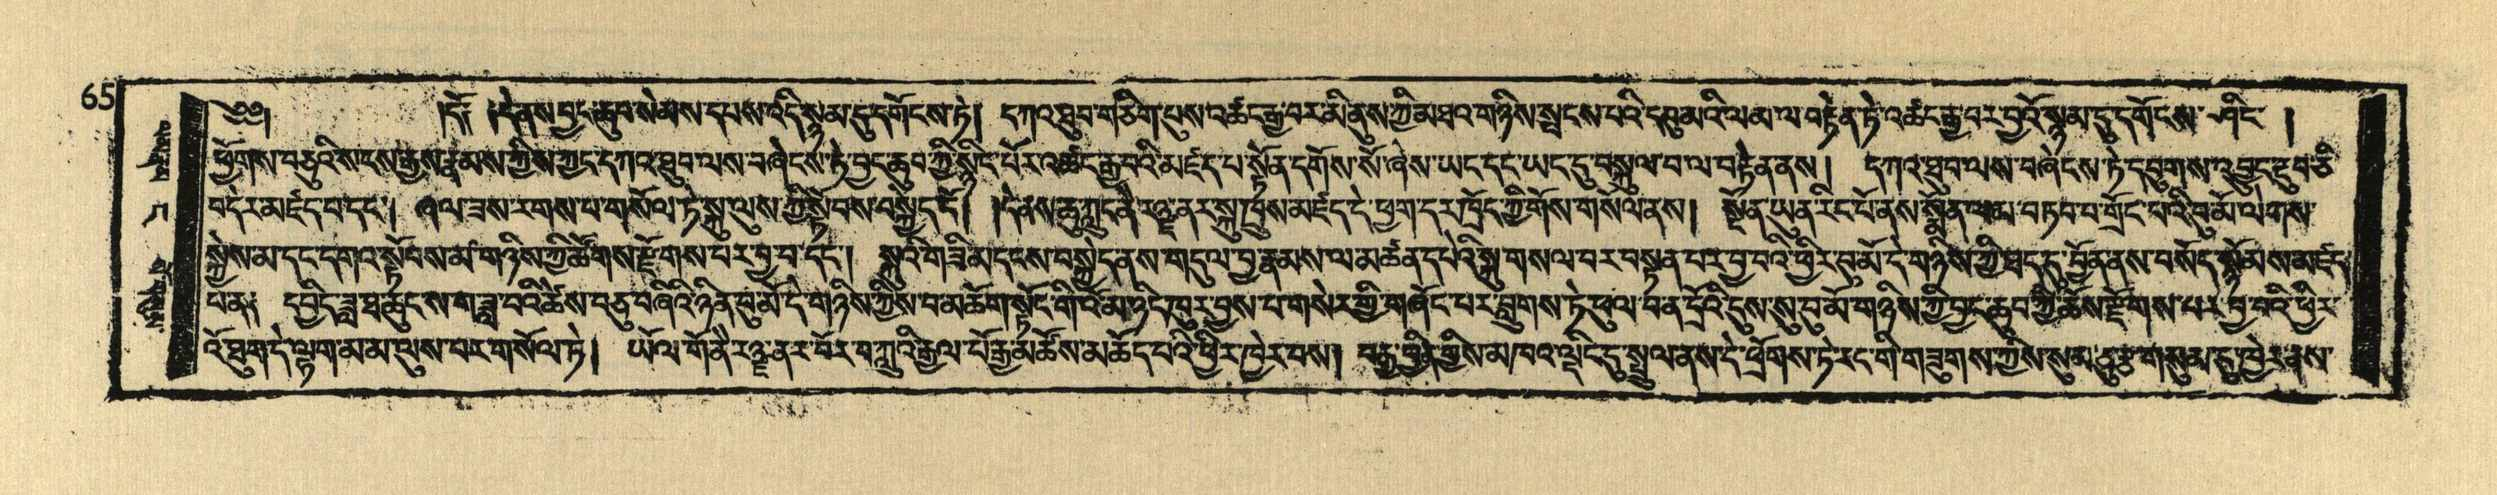༄༅། །དོ༑ ༑དེ་ནས་བྱང་ཆུབ་སེམས་དཔས་འདི་སྙམ་དུ་དགོངས་ཏེ། དཀའ་ཐུབ་གཅིག་པུས་འཚང་རྒྱ་བར་མི་ནུས་ཀྱི་མཐའ་གཉིས་སྤངས་པའི་དབུ་མའི་ལམ་ལ་བརྟེན་ཏེ་འཚང་རྒྱ་བར་བྱའོ་སྙམ་དུ་དགོངས་ཤིང་།
ཕྱོགས་བཅུའི་སངས་རྒྱས་རྣམས་ཀྱིས་ཀྱང་དཀའ་ཐུབ་ལས་བཞེངས་ཏེ་བྱང་ཆུབ་ཀྱི་སྙིང་པོར་འཚང་རྒྱ་བའི་མཛད་པ་སྟོང་དགོས་སོ་ཞེས་ཡང་དང་ཡང་དུ་བསྐུལ་བ་ལ་བརྟེན་ནས། དཀའ་ཐུབ་ལས་བཞེངས་ཏེ་དབུགས་འབྱུང་རྡུབ་ཅི་
བདེར་མཛད་པ་དང་། ཞལ་ཟས་རགས་པ་གསོལ་ཏེ་སྐུ་ལུས་ཀྱི་སྟོབས་བསྐྱེད་དོ། །དེ་ནས་ཆུ་ཀླུང་ནཻ་རཉྫ་ནར་སྐུ་ཁྲུས་མཛད་དེ་ཕྱག་དར་ཁྲོད་ཀྱི་གོས་གསོལ་ནས། སྔོན་ཡུན་རིང་པོ་ནས་སྨོན་ལམ་བཏབ་བ་གྲོང་པའི་བུ་མོ་ལེགས་
སྐྱེས་མ་དང་དགའ་སྟོབས་མ་གཉིས་ཀྱི་ཚོགས་རྫོགས་པར་བྱ་བ་དང་། སྐུའི་གཟི་མདངས་བསྐྱེད་ནས་གདུལ་བྱ་རྣམས་ལ་མཚན་དཔེའི་སྐུ་གསལ་བར་བསྟན་པར་བྱ་བའི་ཕྱིར་བུ་མོ་དེ་གཉིས་ཀྱི་ཐད་དུ་བྱོན་ནས་བསོད་སྙོམས་མཛད་
པོ་ན༑ དབྱིད་ཟླ་ཐ་ཆུང་ས་ག་ཟླ་བའི་ཚེས་བཅུ་བཞིའི་ཉིན་བུ་མོ་དེ་གཉིས་ཀྱིས་བ་མཆོག་སྟོང་གི་འོ་མ་ཉིད་ཁུར་བྱས་པ་གསེར་གྱི་གཞོང་པར་བླུགས་ཏེ་ཕུལ་བ་ན་དྲོའི་དུས་སུ་བུ་མོ་གཉིས་ཀྱི་བྱང་ཆུབ་ཀྱི་ཆོས་རྫོགས་པར་བྱ་བའི་ཕྱིར་
འོ་ཐུག་དེ་ལྷག་མ་མ་ལུས་པར་གསོལ་ཏེ། ཡོལ་གོ་ནཻ་རཉྫ་ནར་བོར་བ་ཀླུའི་རྒྱལ་པོ་རྒྱ་མཚོས་མཆོད་པའི་ཕྱིར་ཁྱེར་བས། བརྒྱ་བྱིན་གྱིས་མཁའ་ལྡིང་དུ་སྤྲུལ་ནས་དེ་ཕྲོགས་ཏེ་རང་གི་གཟུགས་ཀྱིས་སུམ་ཅུ་རྩ་གསུམ་དུ་ཁྱེར་ནས་